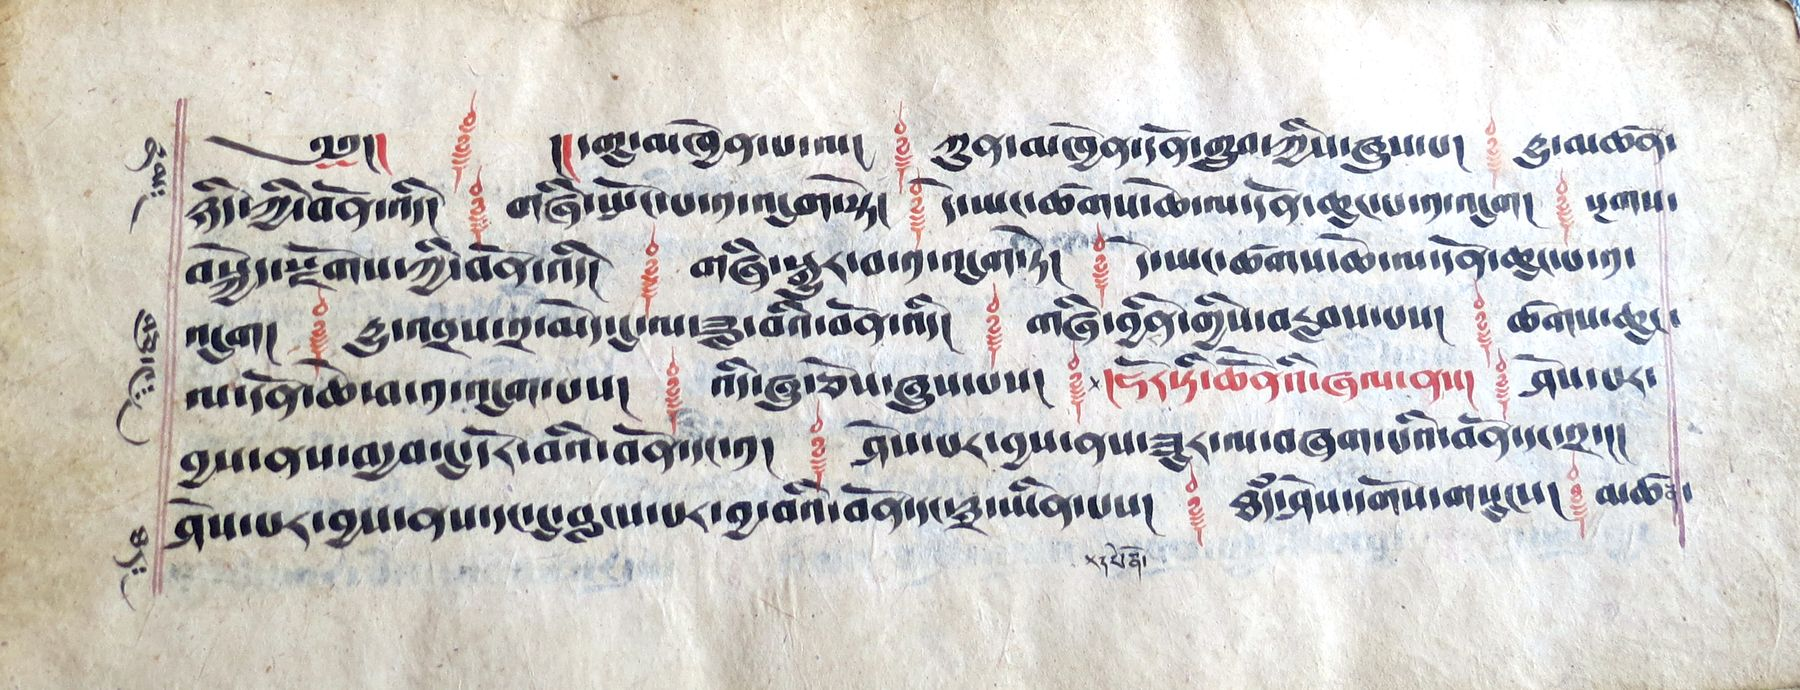དགུ་མཁྱེན་པ་ལ། ཀུན་མཁྱེན་དོན་གྲུབ་ཀྱིས་ཞུས་པ། རྒྱུ་མཚན་
ཉིད་ཀྱི་བོན་འདི། གཞི་སྤོང་བ་ཞིག་འདུག་སྟེ། དེ་ཡང་ཚེགས་ཆེ་ལ་དོན་ཆུང་བ་ཞིག་འདུག སྔགས་
བསྐྱེད་རྫོགས་ཀྱི་བོན་འདི། གཞི་བསྒྱུར་བ་ཞིག་འདུག་སྟེ། དེ་ཡང་ཚེགས་ཆེ་ལ་དོན་ཆུང་བ་ཞིག་
འདུག རྒྱུ་འབྲས་གཉིས་མེད་ལ་བཟླ་བའི་བོན་འདི། གཞི་བྱིན་གྱིས་བརླབས་པས། ཚེགས་ཆུང་
ལ་དོན་ཆེ་བ་ཞིག་འདུག་པས། འདི་ཞུ་ཞེས་ཞུས་པས། ཧོར་ཏི་ཆེན་པོའི་ཞལ་ནས། ཤེས་པར་
བྱས་ནས་དོར་བའི་བོན་དང་གཅིག ཤེས་པར་བྱས་ནས་ཟུར་ལ་བཞག་པའི་བོན་དང་གཉིས། 
ཤེས་པར་བྱས་ནས་དང་དུ་བླང་པར་བྱ་བའི་བོན་དང་གསུམ་ཡིན་པས། ཐམས་ཅད་ཤེས་དགོས་གསུངས། མཚན་